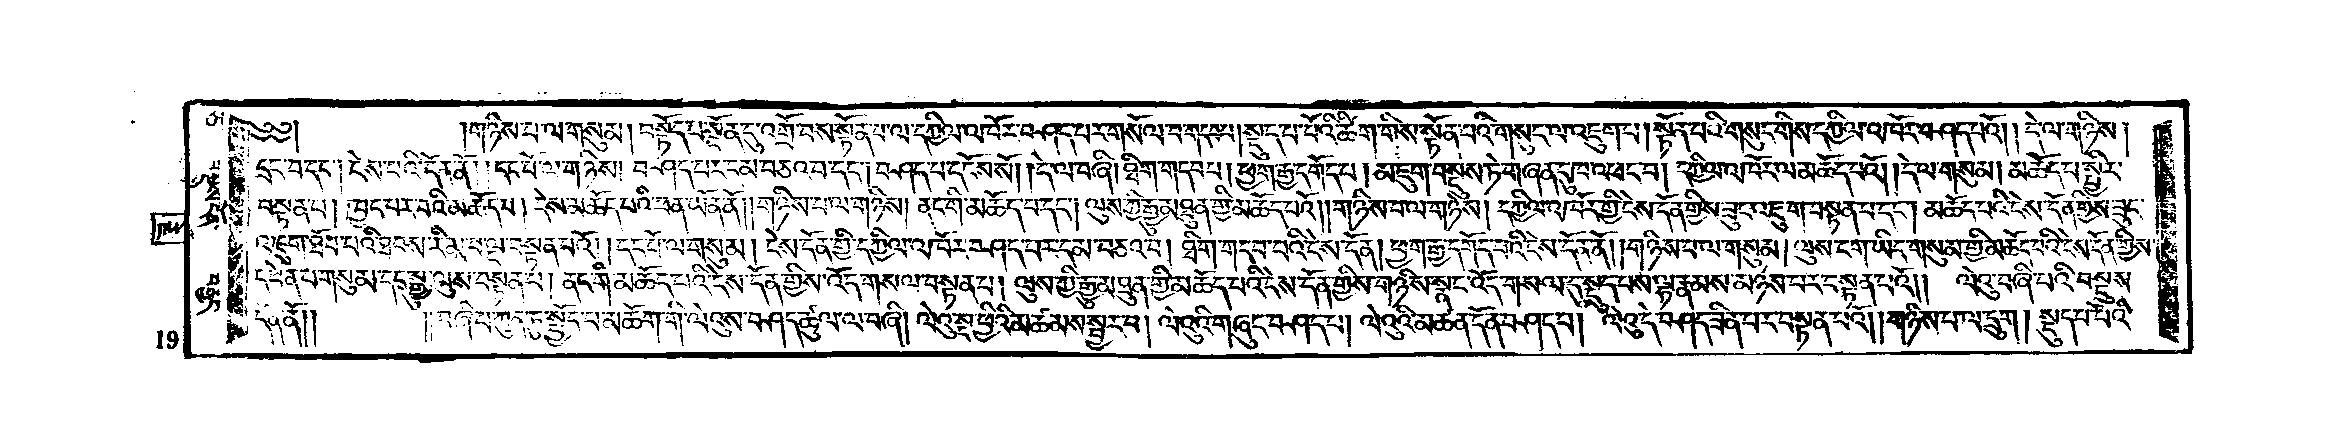༄༅། །གཉིས་པ་ལ་གསུམ། བསྟོད་པ་སྔོན་དུ་འགྲོ་བས་སྟོན་པ་ལ་དཀྱིལ་འཁོར་བཤད་པར་གསོལ་བ་གདབ་པ། སྡུད་པ་པོའི་ཚིག་གིས་སྟོན་པའི་གསུང་ལ་འཇུག་པ། སྟོན་པའི་གསུང་གིས་དཀྱིལ་འཁོར་བཤད་པའོ། །དེ་ལ་གཉིས།
དྲང་བ་དང་། ངེས་པའི་དོན་ནོ། །དང་པོ་ལ་གཉིས། བཤད་པར་དམ་བཅའ་བ་དང་། བཤད་པ་དངོས་སོ། །དེ་ལ་བཞི། ཐིག་གདབ་པ། ཕྱག་རྒྱ་དགོད་པ། མཇུག་བསྡུས་ཏེ་གཞན་དུ་ཁ་འཕང་བ། དཀྱིལ་འཁོར་ལ་མཆོད་པའོ། །དེ་ལ་གསུམ། མཆོད་པ་སྤྱིར་
བསྟན་པ། ཁྱད་པར་བའི་མཆོད་པ། དེས་མཆོད་པའི་ཕན་ཡོན་ནོ། །གཉིས་པ་ལ་གཉིས། ནང་གི་མཆོད་པ་དང་། ལུས་ཀྱི་རྒྱུ་མཐུན་གྱི་མཆོད་པའོ། །གཉིས་པ་ལ་གཉིས། དཀྱིལ་འཁོར་གྱི་ངེས་དོན་གྱིས་ཟུང་འཇུག་བསྟན་པ་དང་། མཆོད་པའི་ངེས་དོན་གྱིས་ཟུང་
འཇུག་ཐོབ་པའི་ཐབས་རིམ་པ་ལྔ་བསྟན་པའོ། །དང་པོ་ལ་གསུམ། ངེས་དོན་གྱི་དཀྱིལ་འཁོར་བཤད་པར་དམ་བཅའ་བ། ཐིག་གདབ་པའི་ངེས་དོན། ཕྱག་རྒྱ་དགོད་པའི་ངེས་དོན་ནོ། །གཉིས་པ་ལ་གསུམ། ལུས་ངག་ཡིད་གསུམ་གྱི་མཆོད་པའི་ངེས་དོན་གྱིས་
དབེན་པ་གསུམ་དང་སྒྱུ་ལུས་བསྟན་པ། ནང་གི་མཆོད་པའི་ངེས་དོན་གྱིས་འོད་གསལ་བསྟན་པ། ལུས་ཀྱི་རྒྱུ་མཐུན་གྱི་མཆོད་པའི་ངེས་དོན་གྱིས་གཉིས་སྣང་འོད་གསལ་དུ་སྡུད་པས་ལྷ་རྣམས་མཉེས་པར་བསྟན་པའོ། །ལེའུ་བཞི་པའི་བསྡུས་
དོན་ནོ།། །།བཞི་པ་ཀུན་ཏུ་སྤྱོད་པ་མཆོག་གི་ལེའུས་བཤད་ཚུལ་ལ་བཞི། ལེའུ་སྔ་ཕྱིའི་མཚམས་སྦྱར་བ། ལེའུའི་གཞུང་བཤད་པ། ལེའུའི་མཚན་དོན་བཤད་པ། ལེའུ་དེ་བཤད་ཟིན་པར་བསྟན་པའོ། །གཉིས་པ་ལ་དྲུག །སྡུད་པ་པོའི་